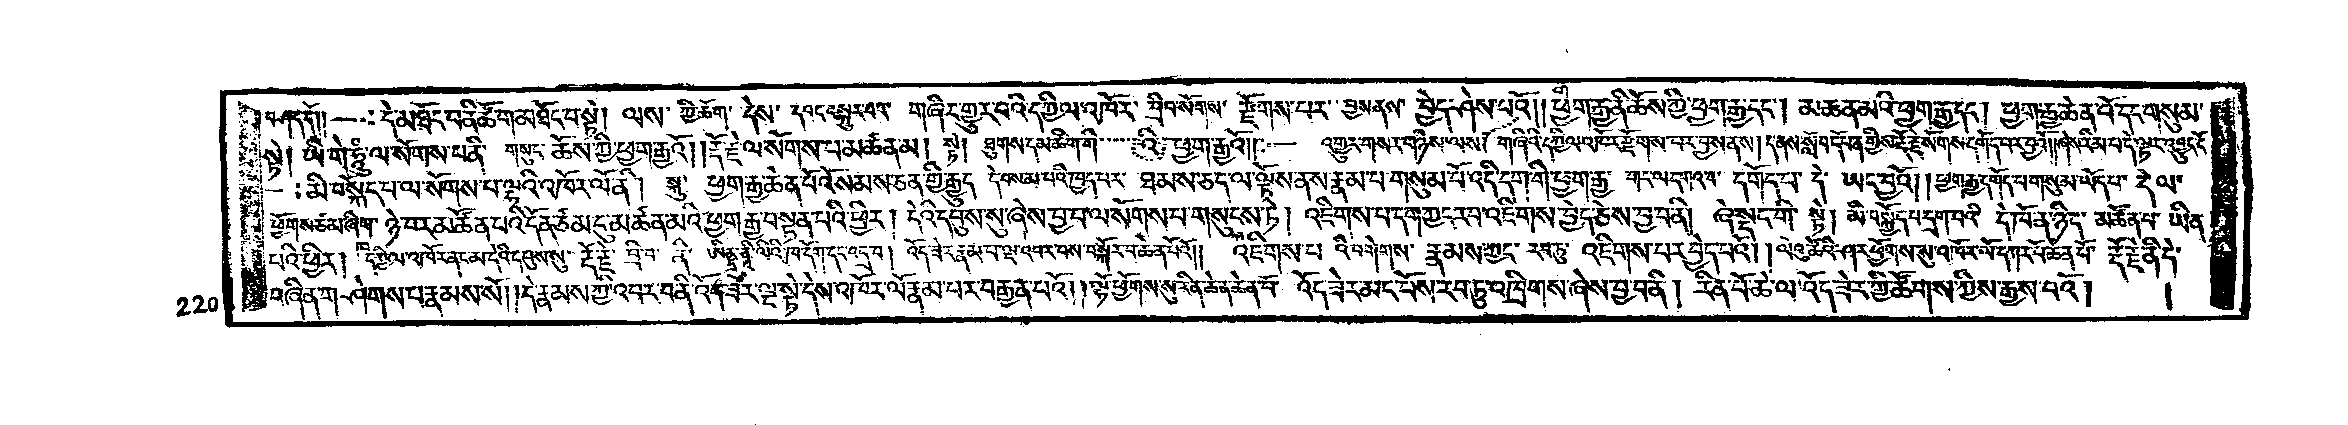བཤད་དོ།། .H དེ་མཐོང་བ་ནི་ཆོ་ག་མཐོང་བ་སྟེ། ལས་ཀྱི་ཆག་དེས་དབང་བསྐུར་བའི་གཞིར་གྱུར་པའི་དཀྱིལ་འཁོར་བྲི་བ་སོགས་རྫོགས་པར་བྱས་ནས་བྱེད་ཤེས་པའོ། ། ག་ཕྱག་རྒྱ་ནི་ཆོས་ཀྱི་ཕྱག་རྒྱ་དང་། མཚན་མའི་ཕྱག་རྒྱ་དང་། ཕྱག་རྒྱ་ཆེན་པོ་དང་གསུམ་
སྟེ། ཡི་གེ་ཧཱུཾ་ལ་སོགས་པ་ནི་གསུང་ཆོས་ཀྱི་ཕྱག་རྒྱའོ། །རྡོ་རྗེ་ལ་སོགས་པ་མཚན་མ། སྟེ། ཐུགས་དམ་ཚིག་གི་འི་ཕྱག་རྒྱའོ།། H.་༧འགྱུར་གསར་གཉིས་ལས། གཞིའི་དཀྱིལ་འཁོར་རྫོགས་པར་བྱས་ནས། དེ་ནས་སློབ་དཔོན་གྱིས་རྡོ་རྗེ་སོགས་དགོད་པར་བྱའོ། །ཞེས་རིམ་པ་དེ་ལྟར་འབྱུང་ངོ།
.H མི་བསྟོད་པ་ལ་སོགས་པ་ལྷའི་འཁོར་ལོ་ནི། སྐུ་ཕྱག་རྒྱ་ཆེན་པོའོ་སེམས་ཅན་གྱི་རྒྱུད་དེ་བསམ་པའི་ཁྱད་པར་ཐམས་ཅད་ལ་ལྟོས་ནས་རྣམ་པར་གསུམ་པོ་འདི་དག་གི་ཕྱག་རྒྱ་གང་ལ་དགའ་བ་དགོད་པ་དེ་ཡང་བྱའོ། ། ཕྱག་རྒྱ་དགོད་པ་གསུམ་ཡོད་པ་དེ་ལ་
ཕྱོགས་ཙམ་ཞིག་ཉེ་བར་མཚོན་པའི་དོན་ཙམ་དུ་མཚན་མའི་ཕྱག་རྒྱ་བསྟན་པའི་ཕྱིར། དེའི་དབུས་སུ་ཞེས་བྱ་བ་ལ་སོགས་པ་གསུངས་ཏེ། འཇིགས་པ་དག་ཀྱང་རབ་འཇིགས་བྱེད་ཅེས་བྱ་བ་ནི། ཞེ་སྡང་གི་སྟེ། མི་བསྐྱོད་པ་དྲག་པའི་དེ་ཁོ་ན་ཉིད་མཚོན་པ་ཡིན་
པའི་ཕྱིར། ཁ་དཀྱིལ་འཁོར་ནང་མ་དེའི་དབུས་སུ་རྡོ་རྗེ་བྲི་བ་ནི་ཨིནྡ་ནཱི་ལའི་ཁ་དོག་དང་འདྲ་བ། འོད་ཟེར་རྣམ་པ་ལྔའི་བར་བས་བསྐོར་བ་ཆེན་པོའོ།། ཀ་འཇིགས་པའི་བགེགས་རྣམས་ཀྱང་རབ་ཏུ་འཇིགས་པར་བྱེད་པའོ། ། ལེའུ་ཚེའི་ཤར་ཕྱོགས་སུ་འཁོར་ལོ་དཀར་པོ་ཆེན་པོ་རྡོ་རྗེ་ནི་དེ་
བཞིན་གཤེགས་པ་རྣམས་སོ། །དེ་རྣམས་ཀྱི་འབར་བ་ནི་འོད་ཟེར་ལྔ་སྟེ་དེས་འཁོར་ལོ་རྣམ་པར་བརྒྱན་པའོ། ། ལྷོ་ཕྱོགས་སུ་རིན་ཆེན་ཆེན་པོ་འོད་ཟེར་མང་པོས་རབ་ཏུ་འཁྲིགས་ཞེས་བྱ་བ་ནི། རིན་པོ་ཆེ་ལ་འོད་ཟེར་གྱི་ཚོགས་ཀྱིས་རྒྱས་པའོ། །